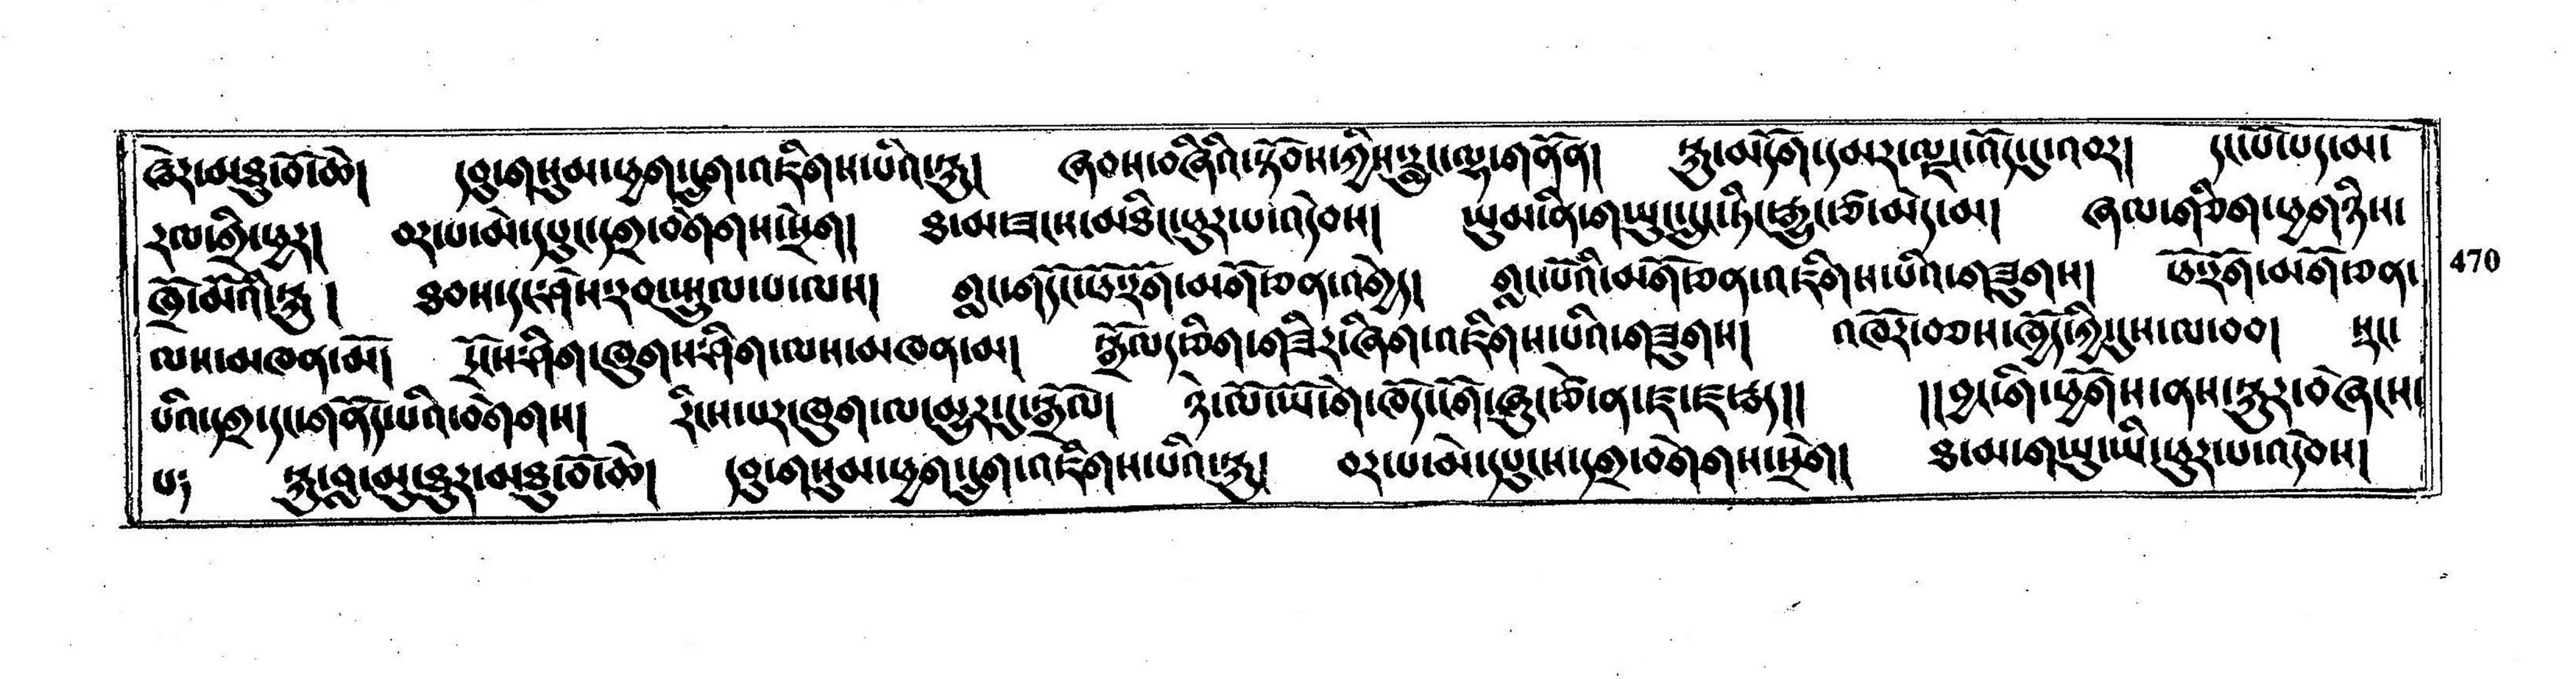ཝེར་མཐུ་བོ་ཆེ། དབུ་གསུམ་ཕྱག་དྲུག་འཇིགས་པའི་སྐུ། ཞབས་བཞིའི་སྟོབས་ཀྱིས་རླུང་ལྷ་གནོན། སྐུ་མདོག་དམར་ལྗང་འོད་དུ་འབར། དང་པོ་པད་མ་
རལ་གྲི་ཕྱར། བར་པ་མེ་དཔུང་དགྲ་བགེགས་སྲེག །ཐ་མ་ཟངས་མཐིང་ཕུར་པ་འདེབས། ཡུམ་ནི་གཡུང་དྲུང་ཏིང་རྒྱུང་ཙ་མེད་མ། ཞལ་གཅིག་ཕྱག་གཉིས་
ཁྲོ་མོའི་སྐུ། ཐབས་དང་ཤེས་རབ་སྤྲུལ་པ་ལས། གླང་གདོང་ཕོ་རོག་མགོ་ཅན་འགྱེད། གླང་པོའི་མགོ་ཅན་འཇིགས་པའི་{483}གཟུགས། ཕོ་རོག་མགོ་ཅན་
ལས་མཁན་མོ། དྲོངས་ཤིག་ཁུགས་ཤིག་ལས་མཁན་མ། སྒྲོལ་ཅིག་གཟིར་ཞིག་འཇིགས་པའི་གཟུགས། འཁོར་བཅས་ཁྱོད་ཀྱི་དུས་ལ་བབ། སྡང་
པའི་དགྲ་དང་གནོད་པའི་བགེགས། རིངས་པར་ཁུག་ལ་མྱུར་དུ་སྒྲོལ། ཉེ་ལོ་ཡོ་གེ་ཁོད་ངོག་ཞུང་ཙེ་ན་ཛ་ཛ་རྦད།། །།བྱང་གི་ཕྱོགས་ནས་སྐུར་བཞེངས་
པ། སྐུ་བླ་མུ་ཐུར་མཐུ་བོ་ཆེ། དབུ་གསུམ་ཕྱག་དྲུག་འཇིགས་པའི་སྐུ། བར་པ་མེ་དཔུངས་དགྲ་བགེགས་སྲེག ཐ་མ་གཡུ་ཡི་ཕུར་པ་འདེབས།